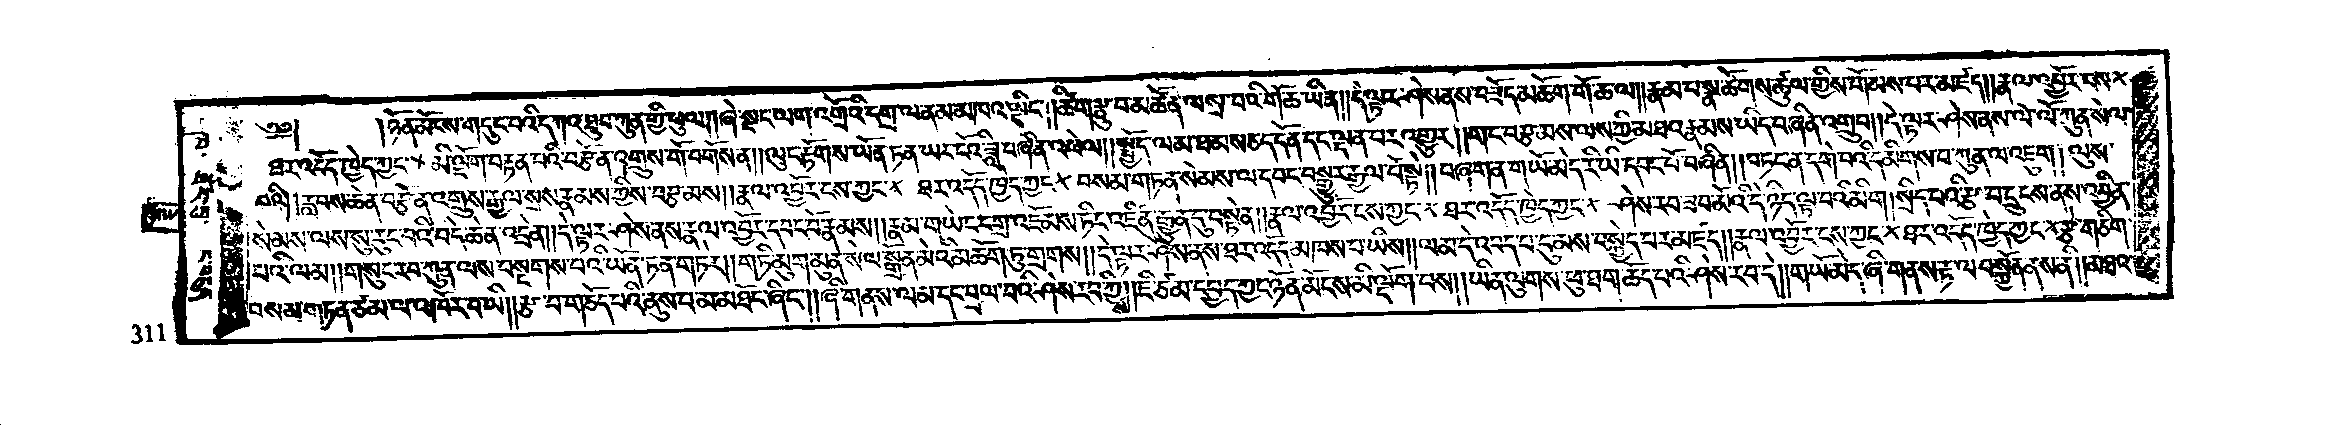༄༅། །ཉོན་མོངས་གདུང་བའི་དཀའ་ཐུབ་ཀུན་གྱི་ཕུལ། །ཞེ་སྡང་ལག་འགྲོའི་དགྲ་ལ་ནམ་མཁའ་ལྡིང་། །ཚིག་རྩུབ་མཚོན་ལ་སྲ་བའི་གོ་ཆ་ཡིན། །དེ་ལྟར་ཤེས་ནས་བཟོད་མཆོག་གོ་ཆ་ལ། །རྣམ་པ་སྣ་ཚོགས་ཚུལ་གྱིས་གོམས་པར་མཛད། །རྣལ་འབྱོར་ངས་྾་
ཐར་འདོད་ཁྱེད་ཀྱང་྾་མི་ལྡོག་བརྟན་པའི་བརྩོན་འགྲུས་གོ་བགོས་ན། །ལུང་རྟོགས་ཡོན་ཏན་ཡར་ངོའི་ཟླ་བཞིན་འཕེལ། །སྤྱོད་ལམ་ཐམས་ཅད་དོན་དང་ལྡན་པར་འགྱུར། །གང་བརྩམས་ལས་ཀྱི་མཐའ་རྣམས་ཡིད་བཞིན་འགྲུབ། །དེ་ལྟར་ཤེས་ནས་ལེ་ལོ་ཀུན་སེལ་
བའི༑ ༑རླབས་ཆེན་བརྩོན་འགྲུས་རྒྱལ་སྲས་རྣམས་ཀྱིས་བརྩམས། །རྣལ་འབྱོར་ངས་ཀྱང་྾་ཐར་འདོད་ཁྱེད་ཀྱང་྾་བསམ་གཏན་སེམས་ལ་དབང་བསྒྱུར་རྒྱལ་པོ་སྟེ། །བཞག་ན་གཡོ་མེད་རི་ཡི་དབང་པོ་བཞིན། །བཏང་ན་དགེ་བའི་དམིགས་པ་ཀུན་ལ་འཇུག །ལུས་
སེམས་ལས་སུ་རུང་བའི་བདེ་ཆེན་འདྲེན། །དེ་ལྟར་ཤེས་ནས་རྣལ་འབྱོར་དབང་པོ་རྣམས། །རྣམ་གཡེང་དགྲ་འཇོམས་ཏིང་འཛིན་རྒྱུན་དུ་བསྟེན། །རྣལ་འབྱོར་ངས་ཀྱང་྾་ཐར་འདོད་ཁྱེད་ཀྱང་྾་ཤེས་རབ་ཟབ་མོའི་དེ་ཉིད་ལྟ་བའི་མིག །སྲིད་པའི་རྩ་བ་དྲུངས་ནས་འབྱིན་
པའི་ལམ། །གསུང་རབ་ཀུན་ལས་བསྔགས་པའི་ཡོན་ཏན་གཏེར། །གཏི་མུག་མུན་སེལ་སྒྲོན་མེའི་མཆོག་ཏུ་གྲགས། །དེ་ལྟར་ཤེས་ནས་ཐར་འདོད་མཁས་པ་ཡིས། །ལམ་དེ་འབད་པ་དུ་མས་བསྐྱེད་པར་མཛད། །རྣལ་འབྱོར་ངས་ཀྱང་྾་ཐར་འདོད་ཁྱེད་ཀྱང་྾་རྩེ་གཅིག་
བསམ་གཏན་ཙམ་ལ་འཁོར་བ་ཡི། །རྩ་བ་གཅོད་པའི་ནུས་པ་མ་མཐོང་ཞིང་། །ཞི་གནས་ལམ་དང་བྲལ་བའི་ཤེས་རབ་ཀྱིས། །ཇི་ཙམ་དཔྱད་ཀྱང་ཉོན་མོངས་མི་ལྡོག་པས། །ཡིན་ལུགས་ཕུ་ཐག་ཆོད་པའི་ཤེས་རབ་དེ། །གཡོ་མེད་ཞི་གནས་རྟ་ལ་བསྐྱོན་ནས་ནི། །མཐའ་